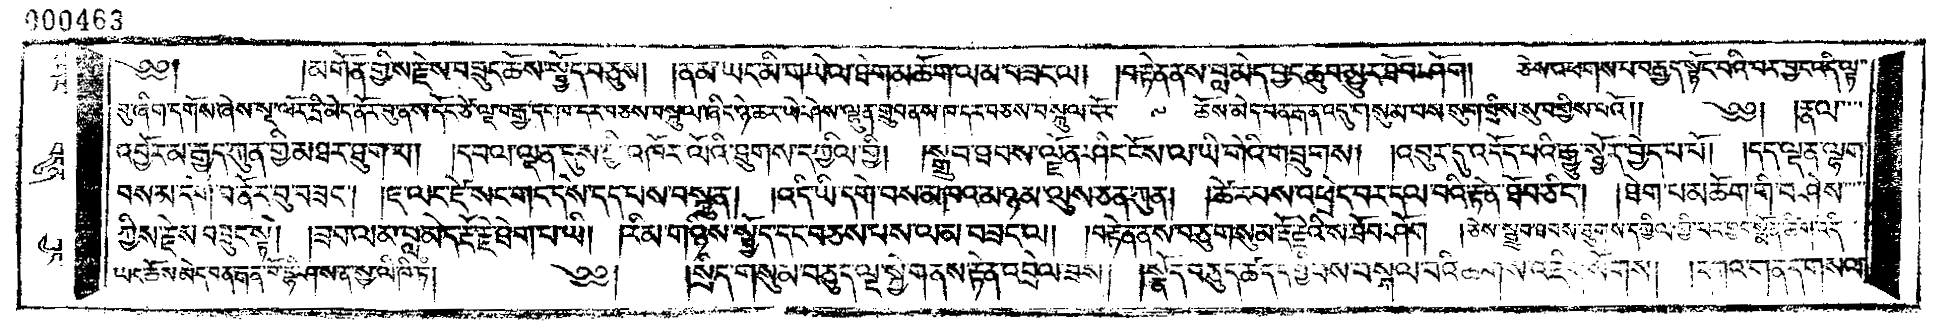༄༅། །མགོན་གྱིས་རྗེས་བཟུང་ཆོས་སྤྱོད་བཅུས། །ནམ་ཡང་མི་གཡེལ་ཐེག་མཆོག་ལམ་བཟང་ལ། །བརྟེན་ནས་བླ་མེད་བྱང་ཆུབ་མྱུར་ཐོབ་ཤོག །ཅེས་འཕགས་པ་བརྒྱད་སྟོང་པའི་བར་བྱང་འདི་ལྟ་
བུ་ཞིག་དགོས་ཞེས་སྔ་ལོར་དྲི་མེད་ནོར་བུ་ནས་དོང་ཙེ་ལྔ་བརྒྱ་དང་ཁ་དར་བཅས་བསྐུལ་ཞིང་ཉེ་ཆར་ཡེ་ཤེས་ལྷུན་གྲུབ་ནས་ཁ་དར་བཅས་བསྐུལ་ངོར་༧་ཆོས་མེད་བན་རྒན་འདུ་གསུམ་པས་སུག་བྲིས་སུ་བགྱིས་པའོ།། ༄༅། །རྣལ་
འབྱོར་མ་རྒྱུད་ཀུན་གྱི་མཐར་ཐུག་པ། །དཔལ་ལྡན་དུས་ཀྱི་འཁོར་ལོའི་ཐུགས་དཀྱིལ་གྱི། །སྒྲུབ་ཐབས་ལྗོན་ཤིང་ངོས་ལ་ཡི་གེའི་གཟུགས། །འབུར་དུ་འདོད་པའི་རྒྱུ་སྦྱོར་བྱེད་པ་པོ། །དད་ལྡན་ལྷག་
བསམ་དགེ་བ་ནོར་བུ་བཟང་། །ཇ་ལང་ཛེ་སང་གང་དེས་དད་པས་བསྐྲུན། །འདི་ཡི་དགེ་བས་མཁའ་མཉམ་ལུས་ཅན་ཀུན། །ཚེ་རབས་འཕྲེང་བར་དལ་བའི་རྟེན་ཐོབ་ཅིང་། །ཐེག་པ་མཆོག་གི་བཤེས་
ཀྱིས་རྗེས་བཟུང་སྟེ། །ཟབ་ལམ་བླ་མེད་རྡོ་རྗེ་ཐེག་པ་ཡི། །རིམ་གཉིས་སྤྱོད་དང་བཅས་པས་ལམ་བཟང་ལ། །བརྟེན་ནས་བཅུ་གསུམ་རྡོ་རྗེའི་ས་ཐོབ་ཤོག །ཅེས་སྒྲུབ་ཐབས་ཐུགས་དཀྱིལ་གྱི་པར་བྱང་སྨོན་ཚིག་འདི་
ཡང་ཆོས་མེད་བན་རྒན་བོ་དྷི་ཤ་ས་ན་སྱ་ལི་ཁི་ཏཾ། ༄༅། །སྲིད་གསུམ་བཅུད་ལྔ་སྐྱེ་གནས་རྟེན་འབྲེལ་ཟས། །སྣོད་བཅུད་ཚད་དབྱིབས་བསྐལ་བའི་ཆགས་འཇིག་སོགས། །དཀའ་གནད་གསལ་